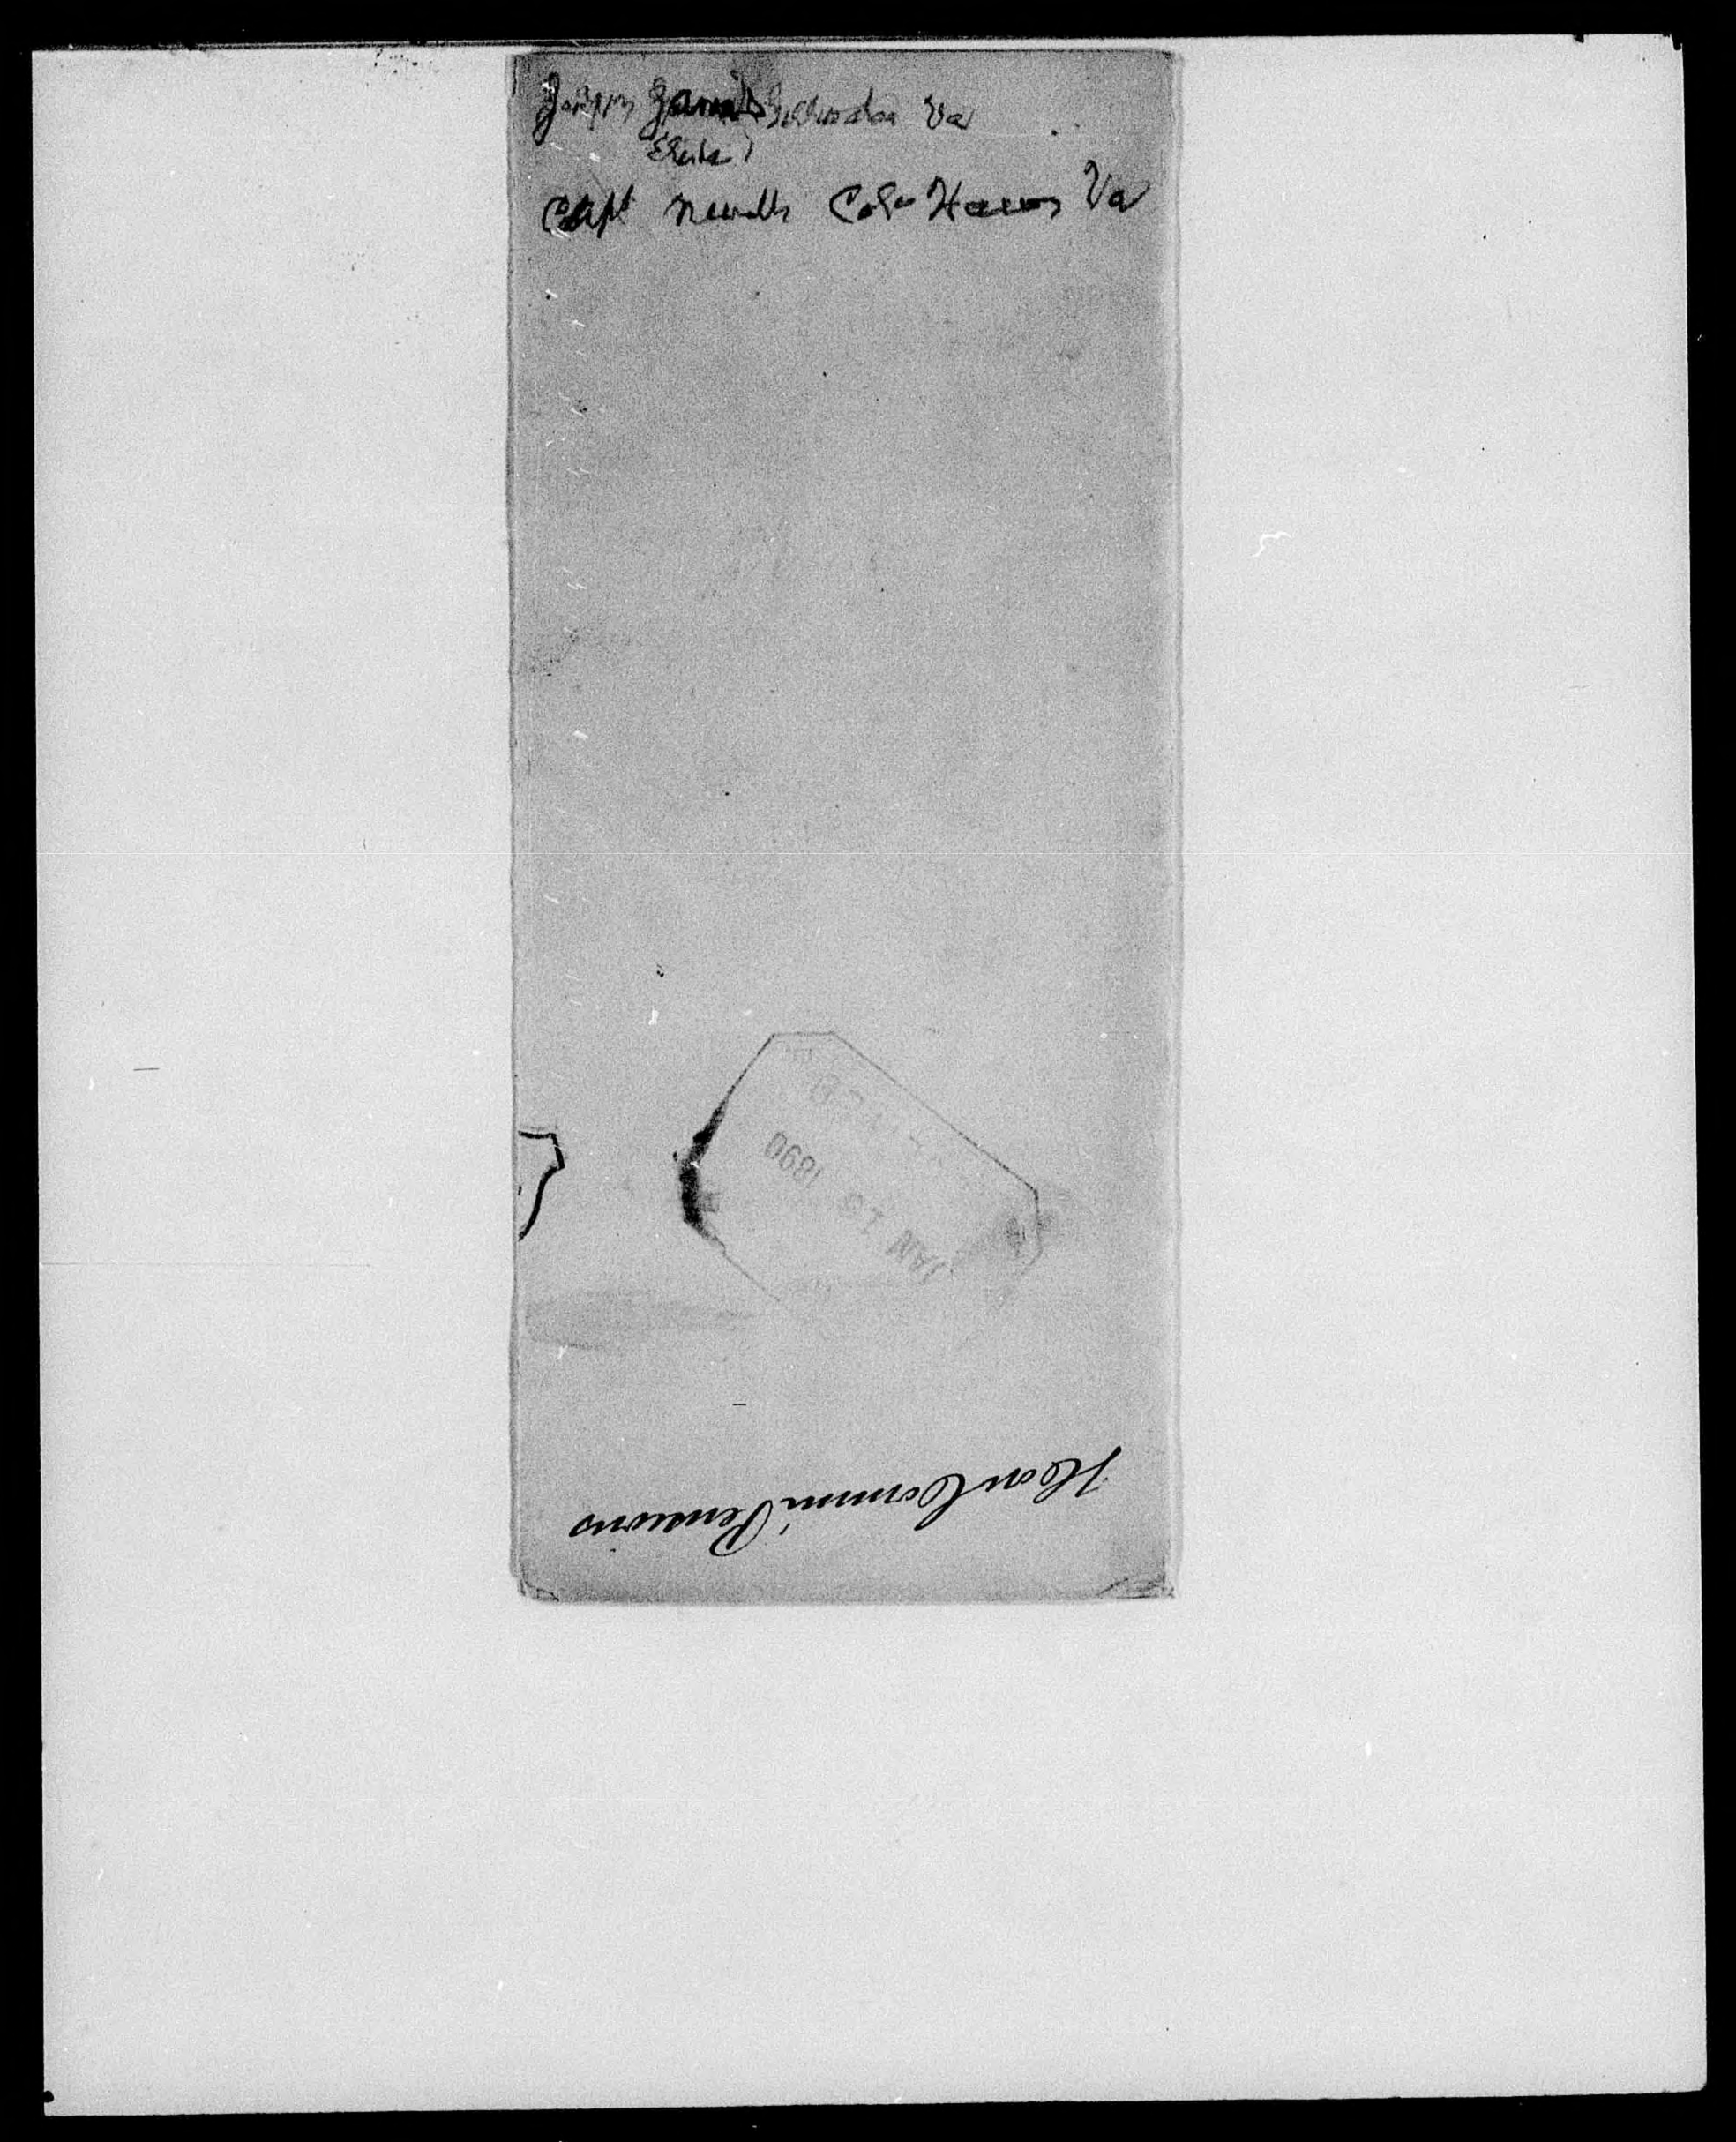[illegible] James Gillingwater Va
[illegible]
Capt Newell Col Hawes Va

[Stamped. "JAN 16 1890 RECEIVED"]

[Upside down. "Hon Comm'r Pensions"]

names: Hawes, James B Edwards, Newell, James B Edwards, Eleste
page: 28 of 36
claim: survivor's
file: S. 39570, James Gillingwater, Va.